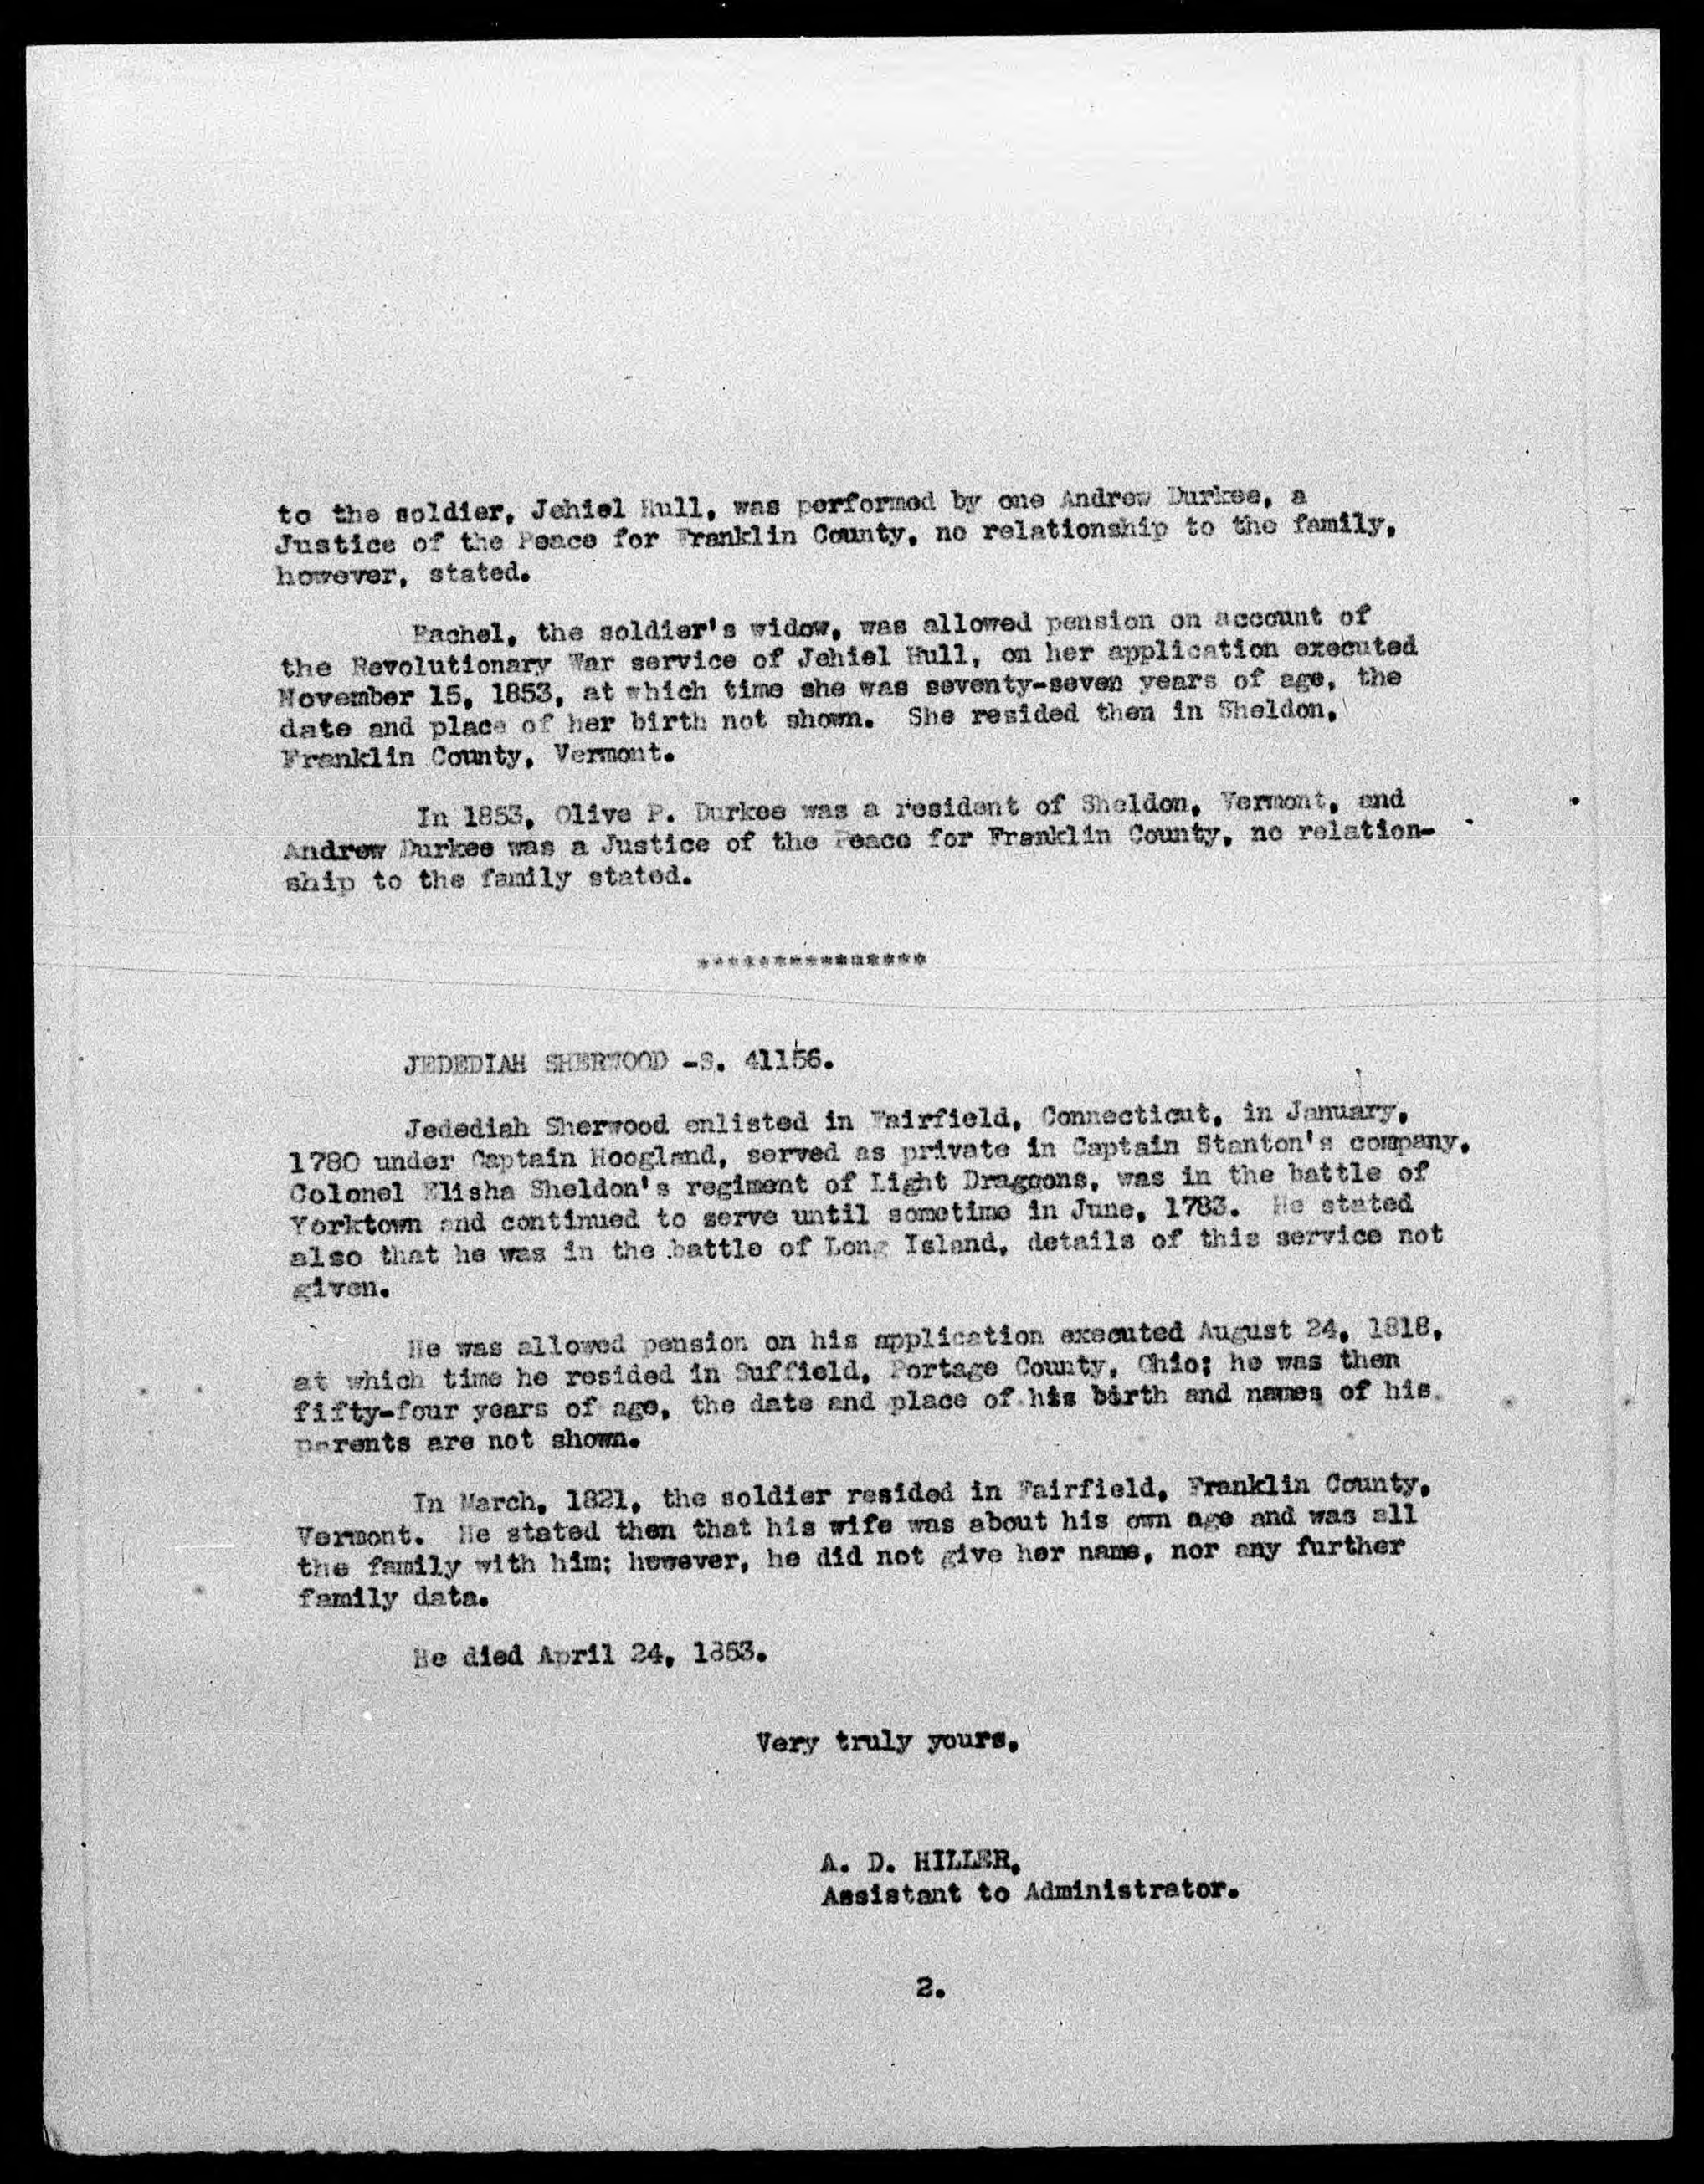to the soldier, Jehiel Hull, was performed by one Andrew Durkee, a Justice of the Peace for Franklin County, no relationship to the family, however, stated.

Rachel, the soldier's widow, was allowed pension on account of the Revolutionary War service of Jehiel Hull, on her application executed November 15, 1853, at which time she was seventy-seven years of age, the date and place of her birth not shown. She resided then in Sheldon, Franklin County, Vermont.

In 1853, Olive P. Durkee was a resident of Sheldon, Vermont, and Andrew Durkee was a Justice of the Peace for Franklin County, no relationship to the family stated.

JEDEDIAH SHERWOOD -S. 41156.

Jedediah Sherwood enlisted in Fairfield, Connecticut, in January, 1780 under Captain Hoogland, served as private in Captain Stanton's company, Colonel Elisha Sheldon's regiment of Light Dragons, was in the battle of Yorktown and continued to serve until sometime in June, 1783. He stated also that he was in the battle of Long Island, details of this service not given.

He was allowed pension on his application executed August 24, 1818, at which time he resided in Suffield, Portage County, Ohio; he was then fifty-four years of age, the date and place of his birth and names of his parents are not shown.

In March, 1821, the soldier resided in Fairfield, Franklin County, Vermont.  He stated then that his wife was about his own age and was all the family with him; however, he did not give her name, nor any further family data.

He died April 24, 1853.

Very truly yours,

A. D. HILLER,
Assistant to Administrator.

2.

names: Jehiel Hull, Hoogland, Rachel, Olive P Durkee, Andrew Durkee, Jedediah Sherwood, A D Hiller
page: 49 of 58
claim: widow's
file: W. 25813, Jehiel Hull, Conn.